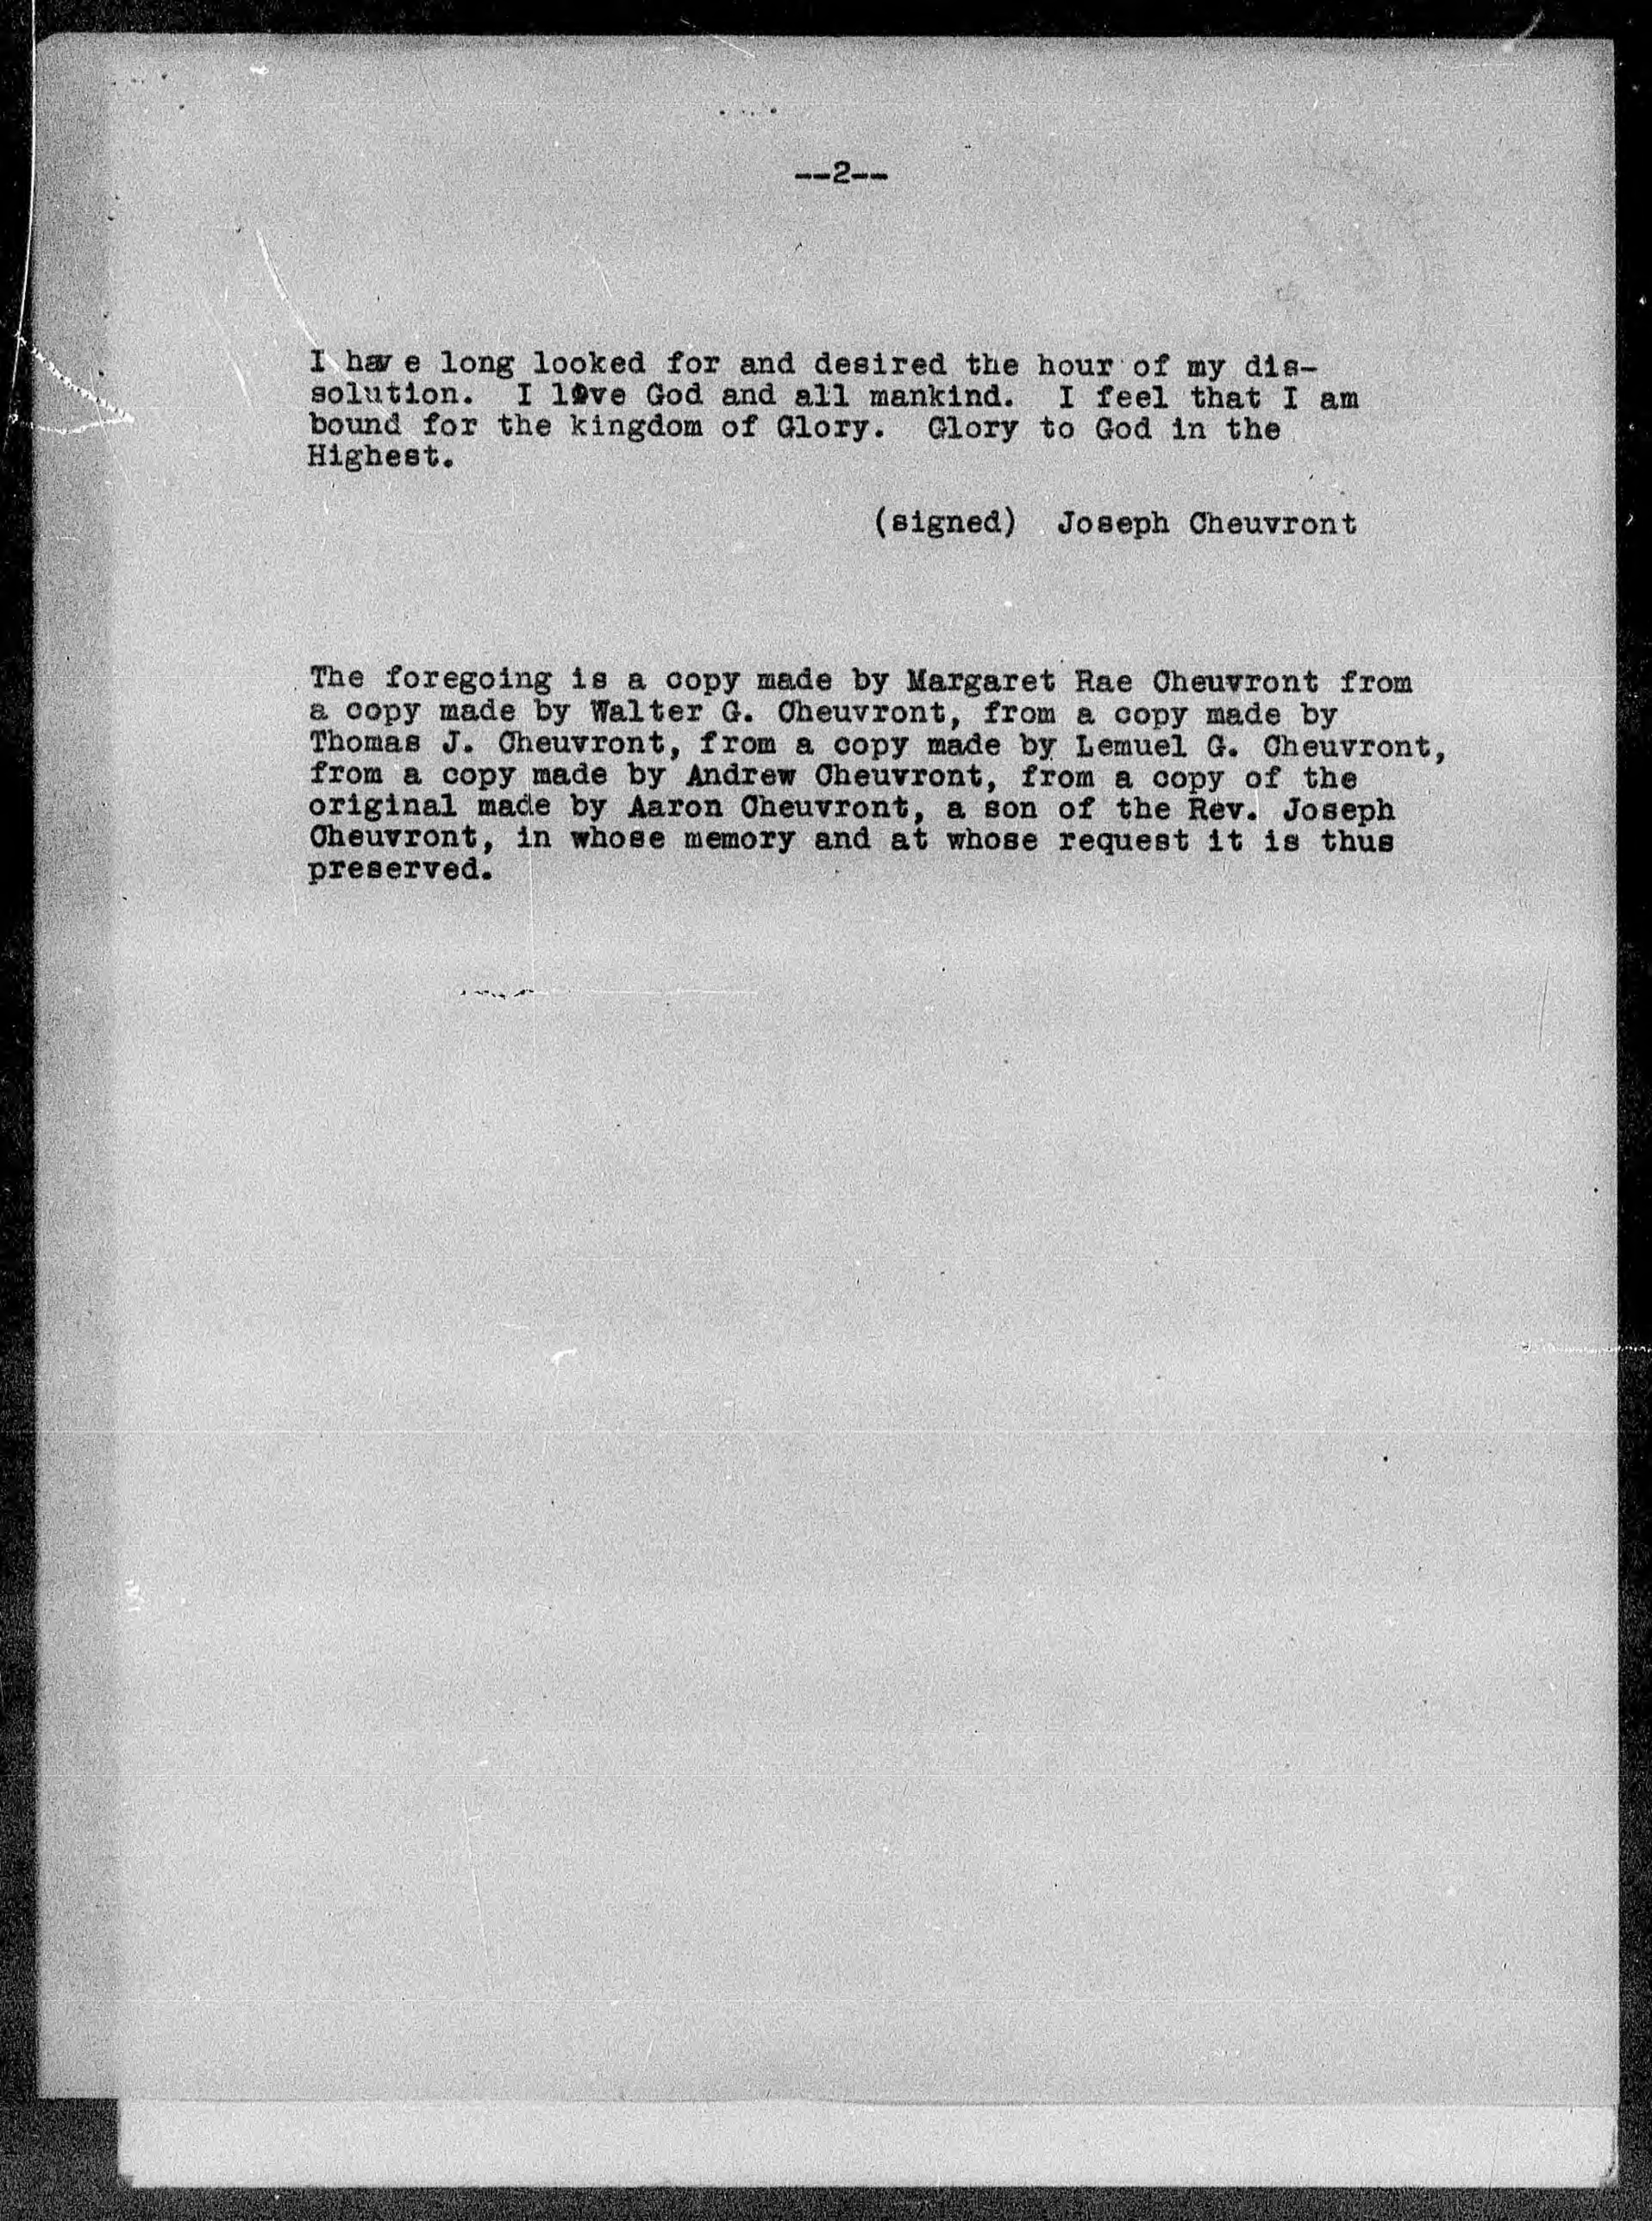[page] 2
I have long looked for and desired the hour of my disolution [dissolution]. I love God and all mankind. I feel that I am bound for the kingdom of Glory. Glory to God in the Highest.
(signed) Joseph Cheuvront
The foregoing is a copy made by Margaret Rae Cheuvront from a copy made by Walter G. Cheuvront, from a copy made by Thomas J. Cheuvront, from a copy made by Lemuel G. Cheuvront, from a copy made by Andrew Cheuvront, from a copy of the original made by Aaron Cheuvront, a son of the Rev. Joseph Cheuvront, in whose memory and at whose request it is thus preserved.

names: Andrew Cheuvront, Joseph Cheuvront, Lemuel G Cheuvront, Walter G Cheuvront, Joseph Cheuvront, Thomas J Cheuvront, Aaron Cheuvront, Margaret Rae Cheuvront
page: 15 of 21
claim: rejected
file: R. 1,907, Joseph Cheuvront, Va.